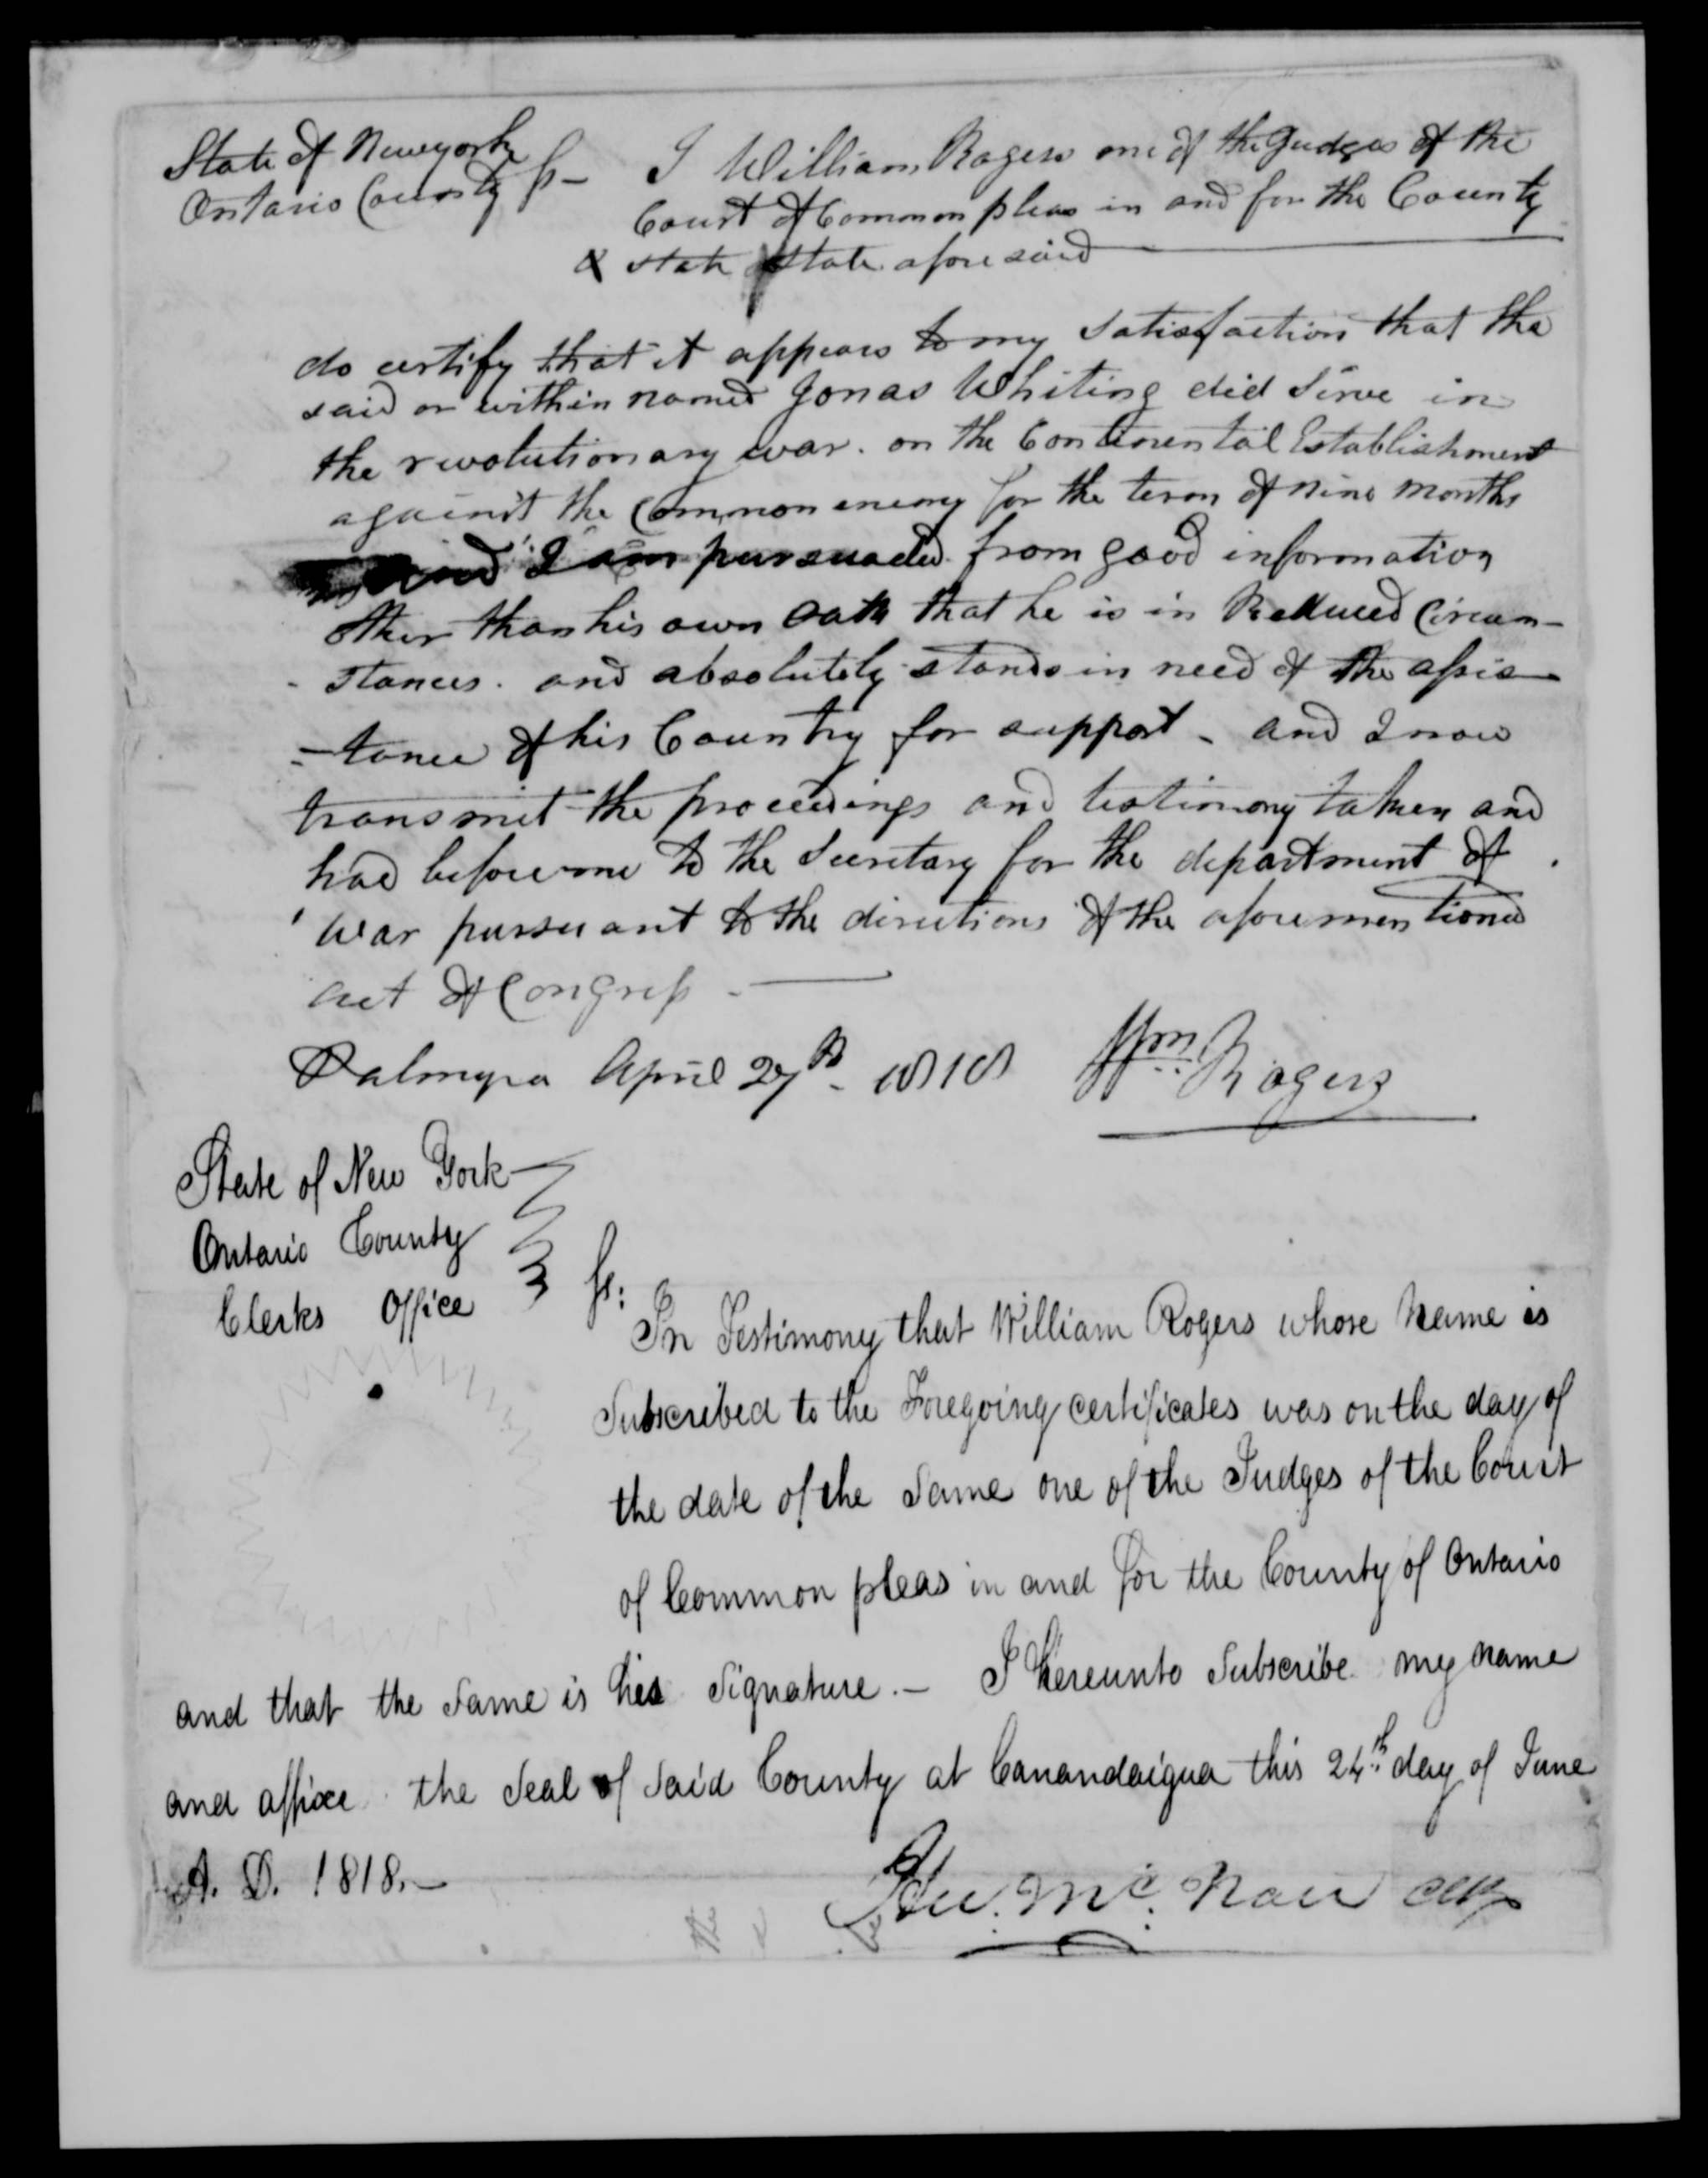State of Newyork
Ontario County SS   W William Rogers one of the Judges of the Court of Common pleas in and for the County & state state aforesaid
do certify that it appears to my satisfaction that the said or within named Jonas Whiting did serve in the revolutionary war on the Continental Establishment against the common enemy for the term of nine months and I am pursuaded from good information other than his own oath that he is in reduced circumstances and absolutely stands in need of the assistance of his country for support and I now transmit the proceedings and testimony taken and had before me to the Secretary for the department of war pursuant to the directions of the aforementioned act of Congress.
Palmyra April 27th 1818
Wm Rogers

State of New York
Ontario County SS
Clerks Office
In testimony that William Rogers whose name is subscribed to the foregoing certificates was on the day of the date of the same one of the Judges of the Court of Common pleas in and for the county of Ontario and that the same is his signature. I hereunto subscribe my name and affix the Seal of said County at Canandaigua this 24th day of June a. D. 1818
H.W. McNair clk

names: Hu Mc Narr, William Rogers, Jonas Whiting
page: 7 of 22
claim: survivor's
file: S. 43298, Jonas Whiting, Mass.